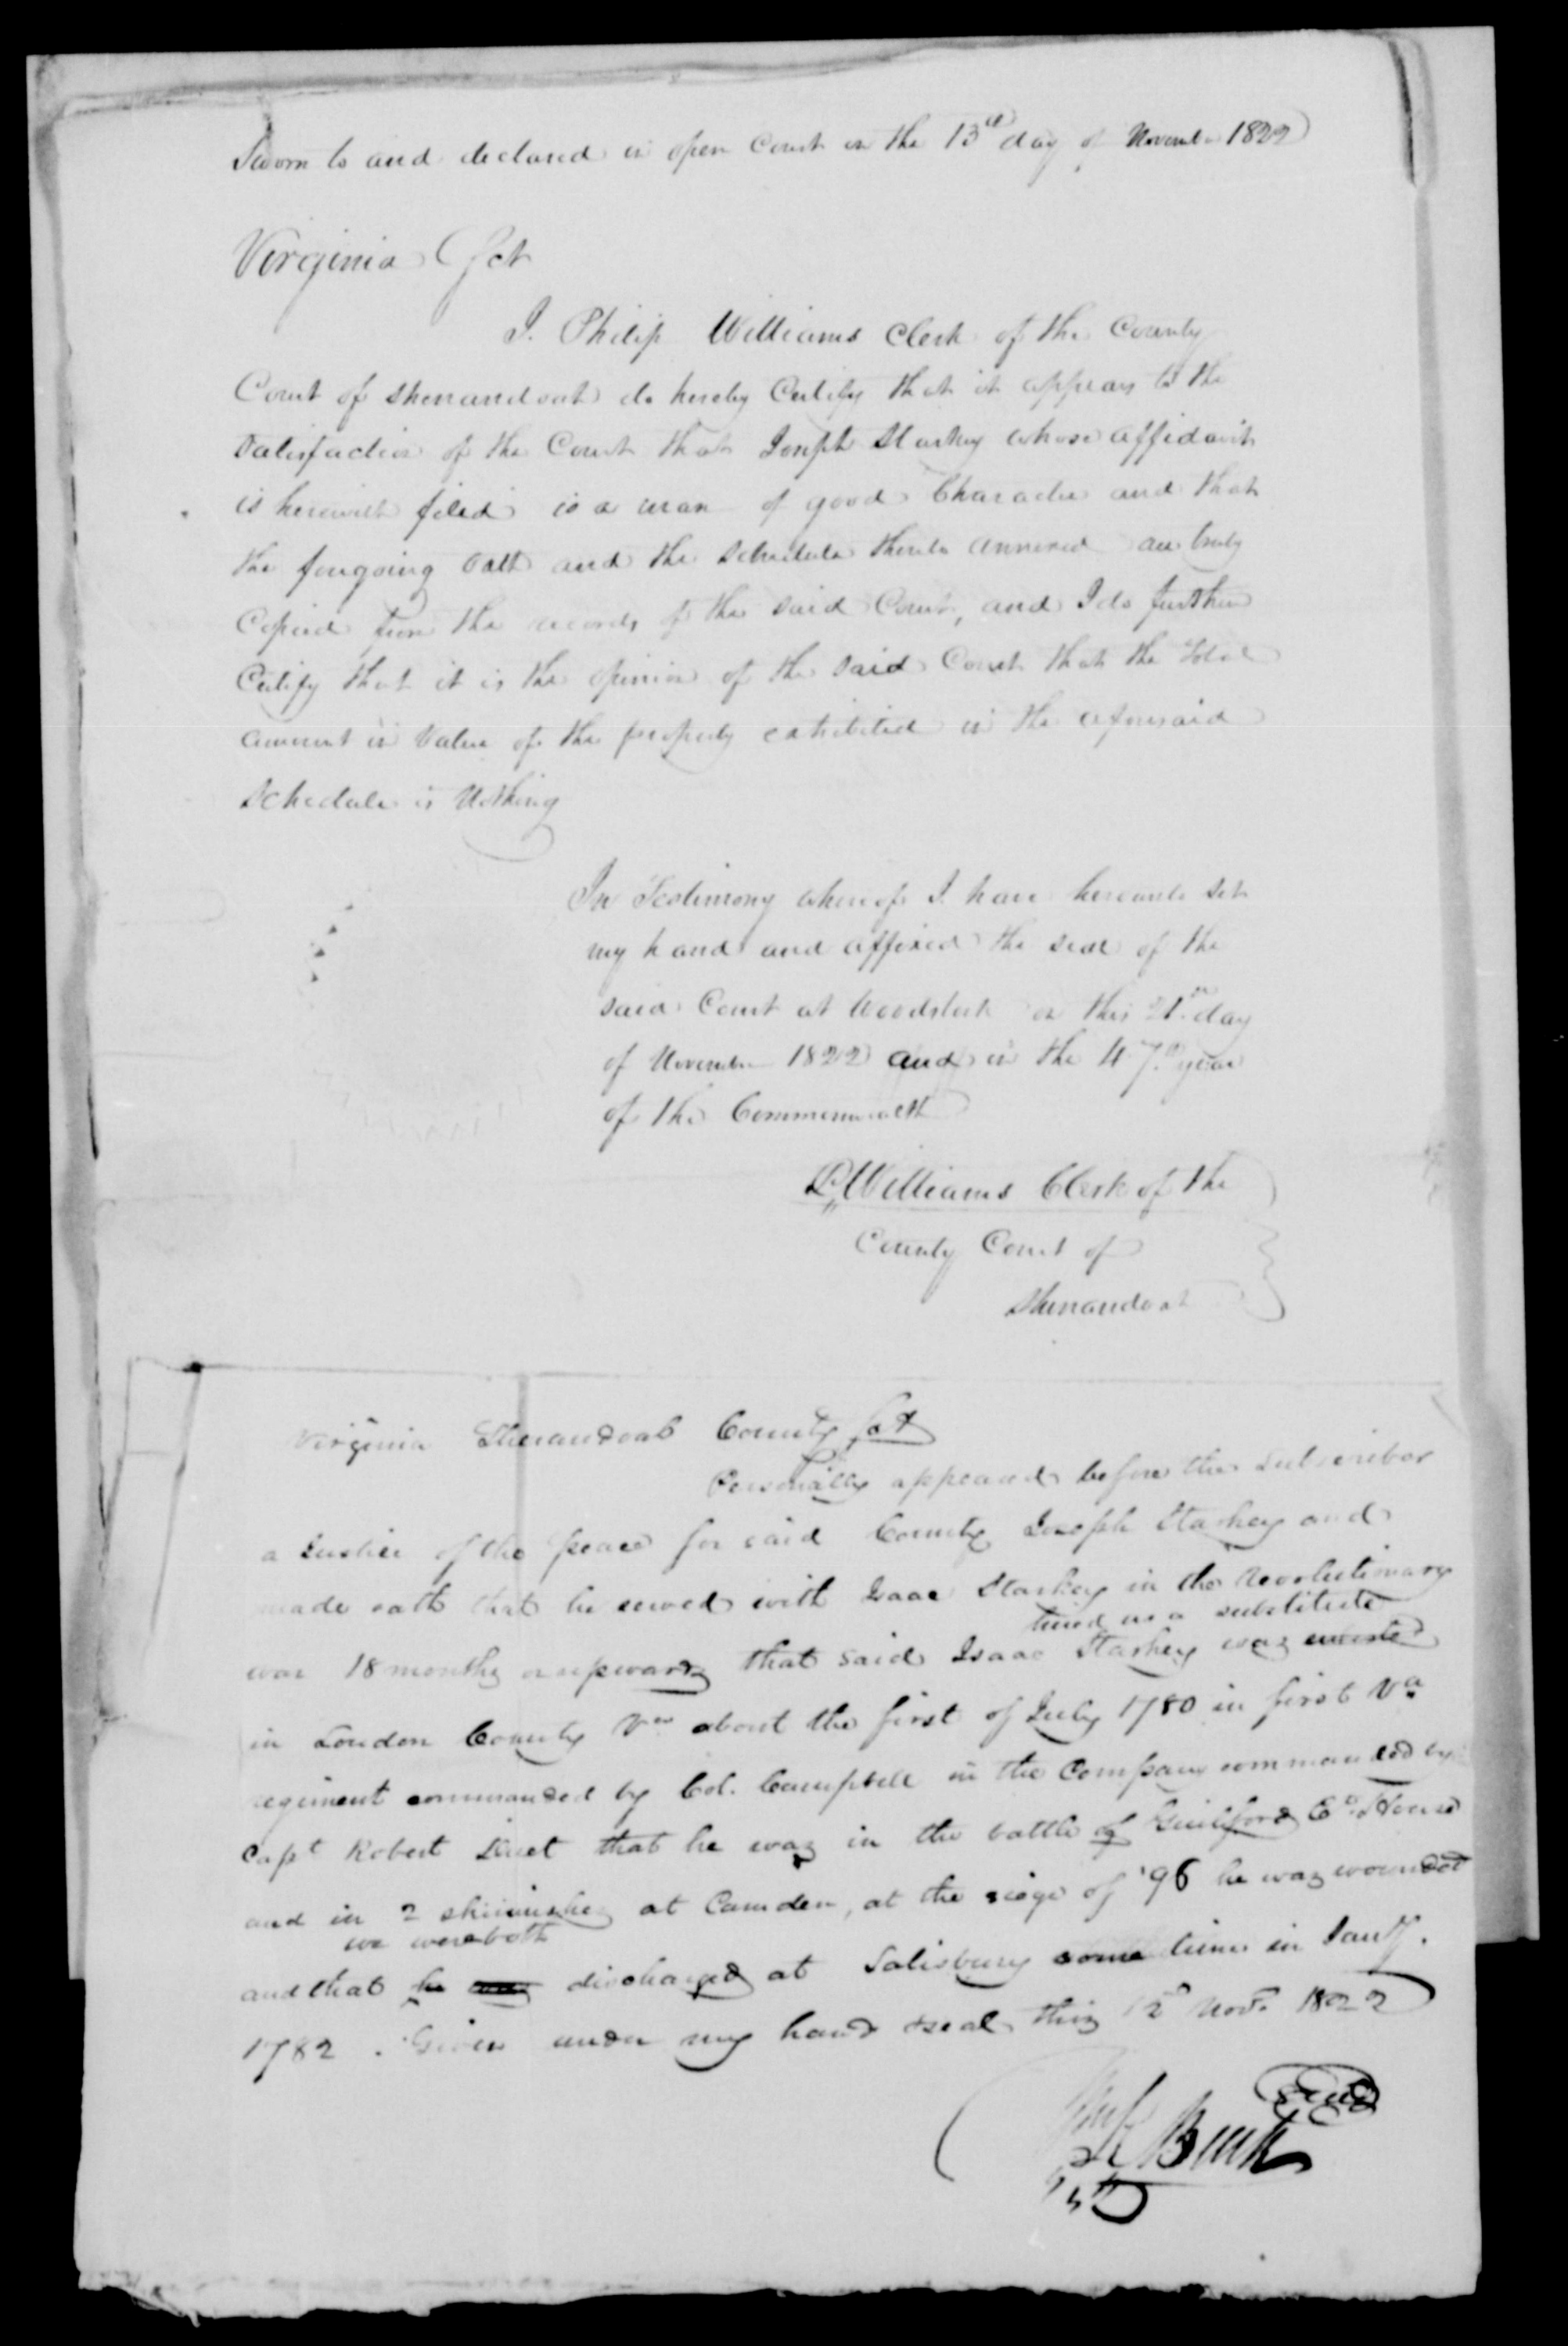Sworn to and declared in open court on the 12th day of November, 1829.
Virginia to wit,
I, Philip Williams, Clerk of the County Court of Shenandoah do hereby certify that it appears the satisfaction of the court that Joseph Starkey (whose affidavit is herewith filed) is a man of good character and that the foregoing oath and the schedule that amount anybody Copaid for the account of said Court, and I do further certify that it is the opinion of said court that the amount is value of the property certified is the aforesaid schedule is nothing.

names: Isaac Starkey; Wm R Back; Isaac Starkey; [BLANK] Campbell; Philip Williams; Joseph Starkey; Robert Duet; Joseph Starkey; P Williams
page: 6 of 14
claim: survivor's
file: S 40503, for Isaac Starkey, Virginia